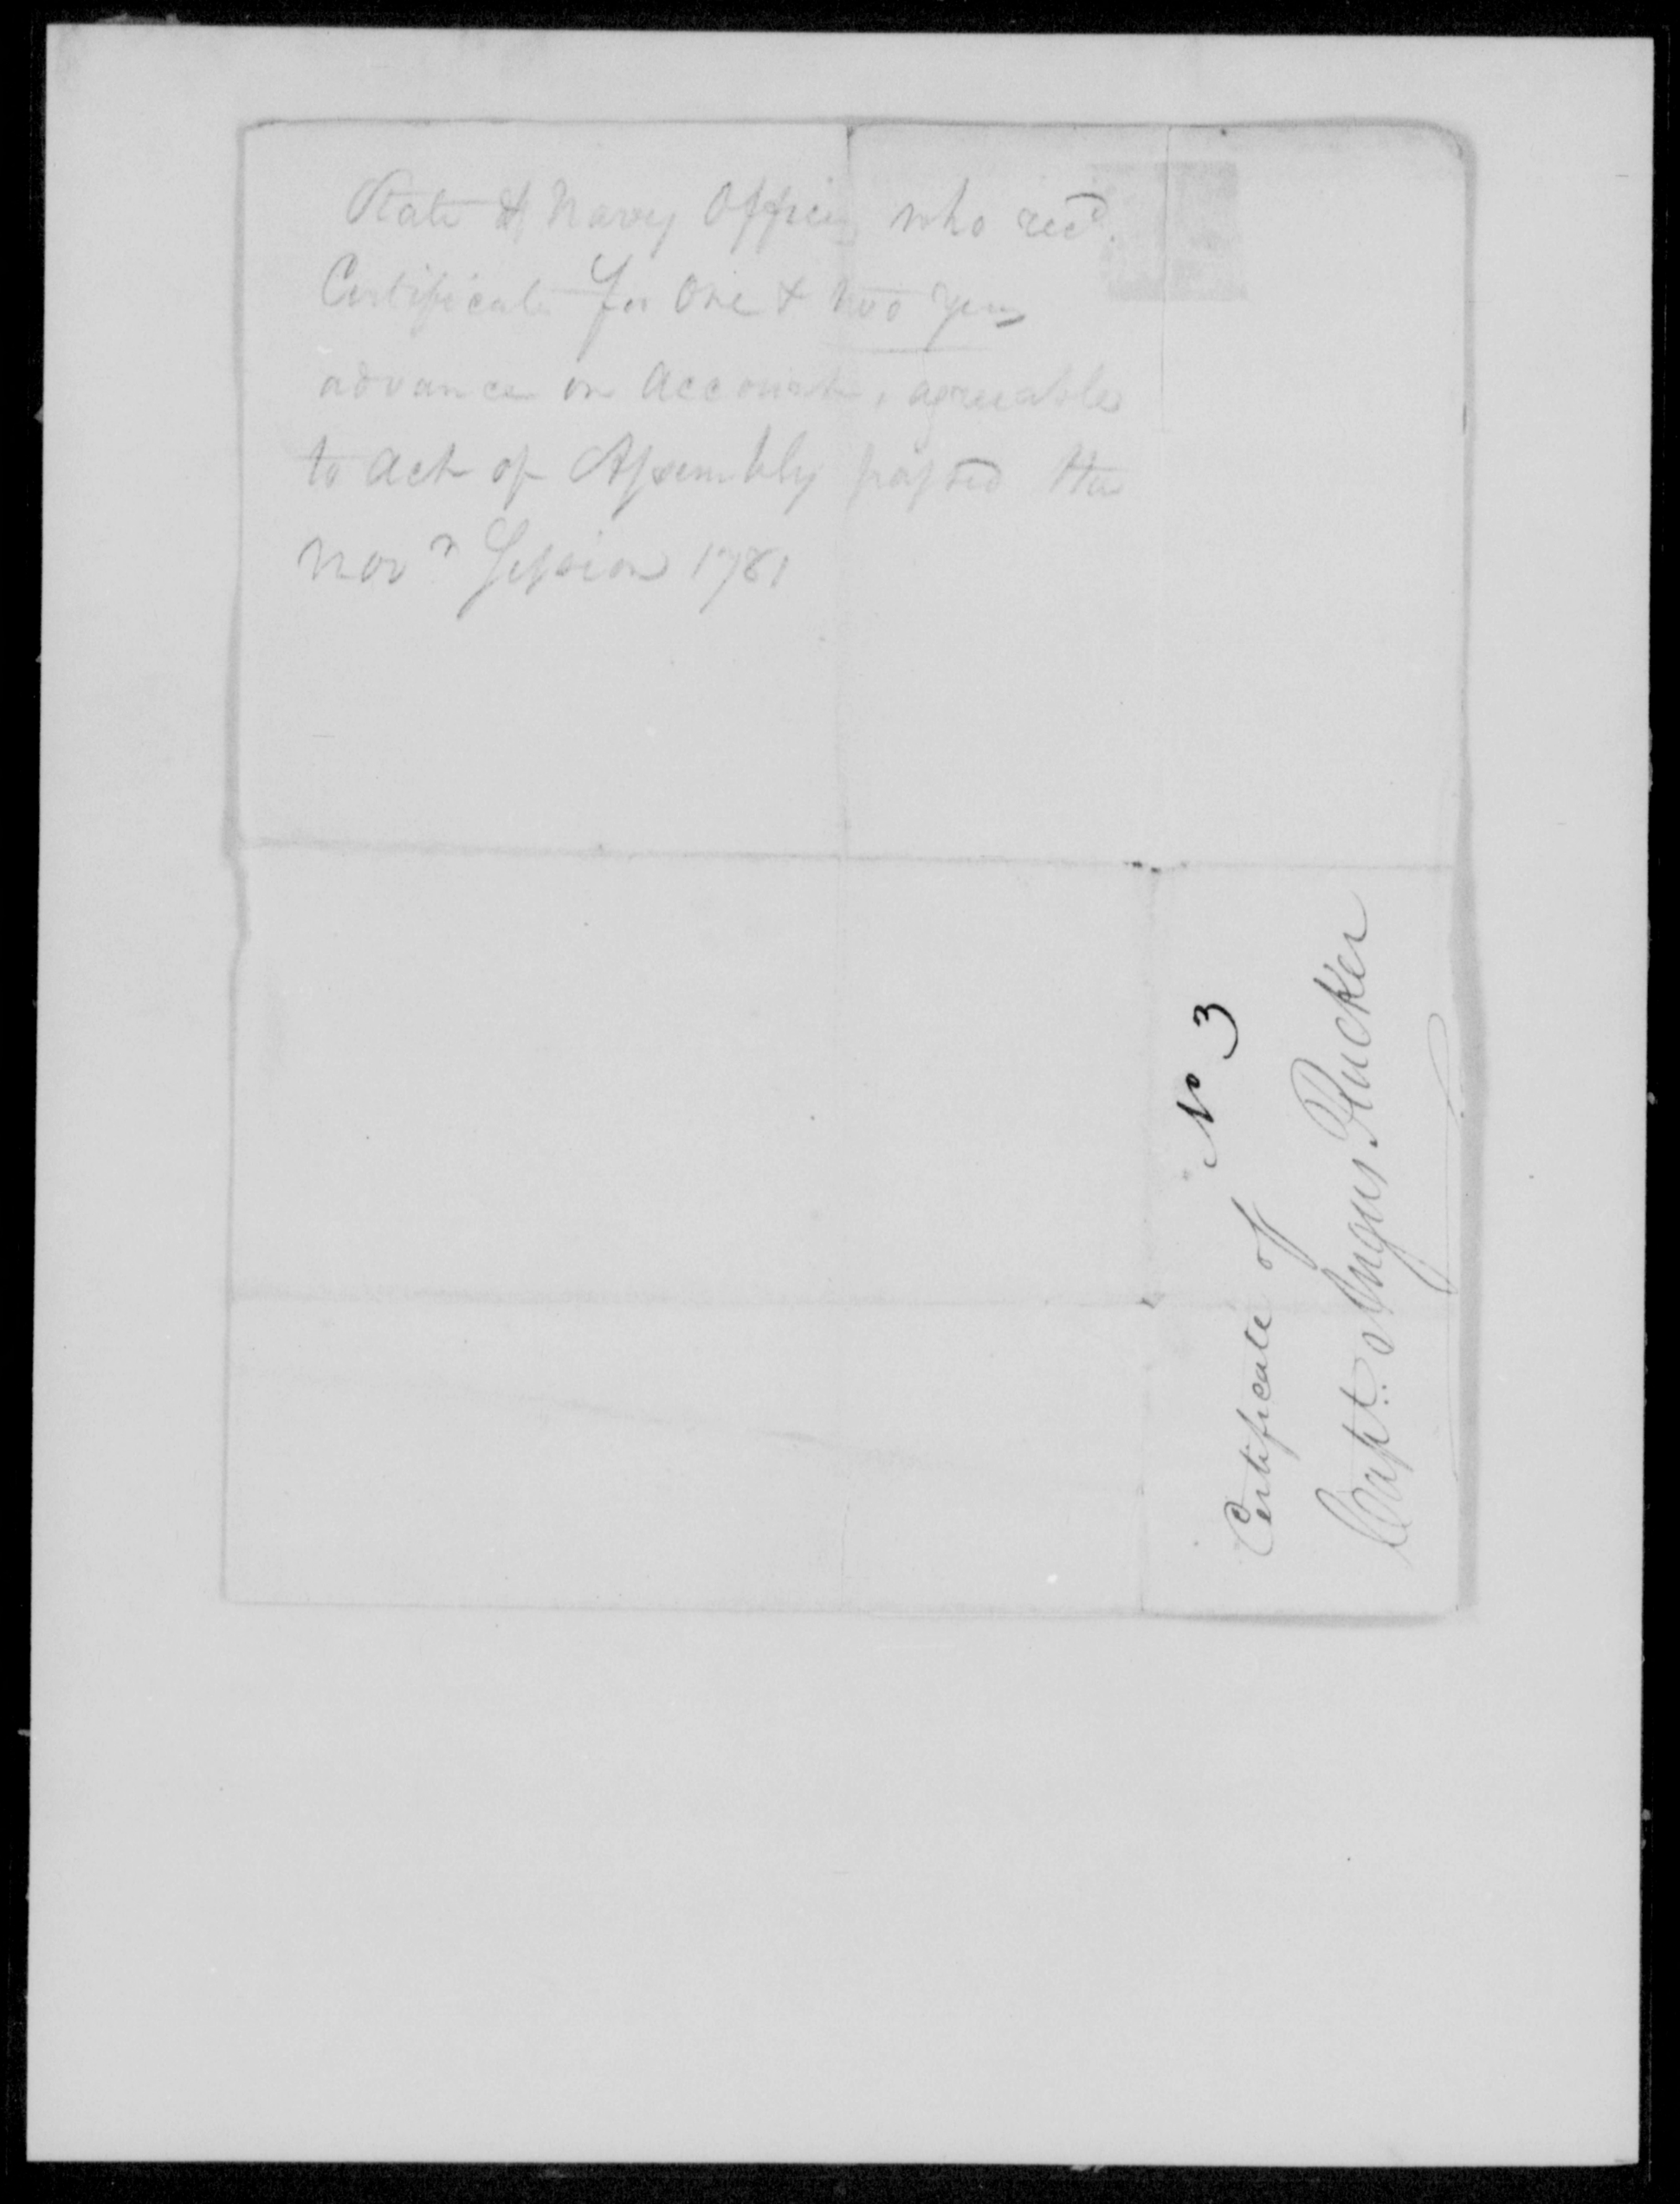State & Navy office who recd
Certificate for one & two years
advance on account, agreeable
to act of Assembly passed this
Nov Session 1781
Certificate of No 3
Capt. Angus Rucker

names: Angus Rucker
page: 21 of 51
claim: rejected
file: R. 10,921, William Vawter, Va.